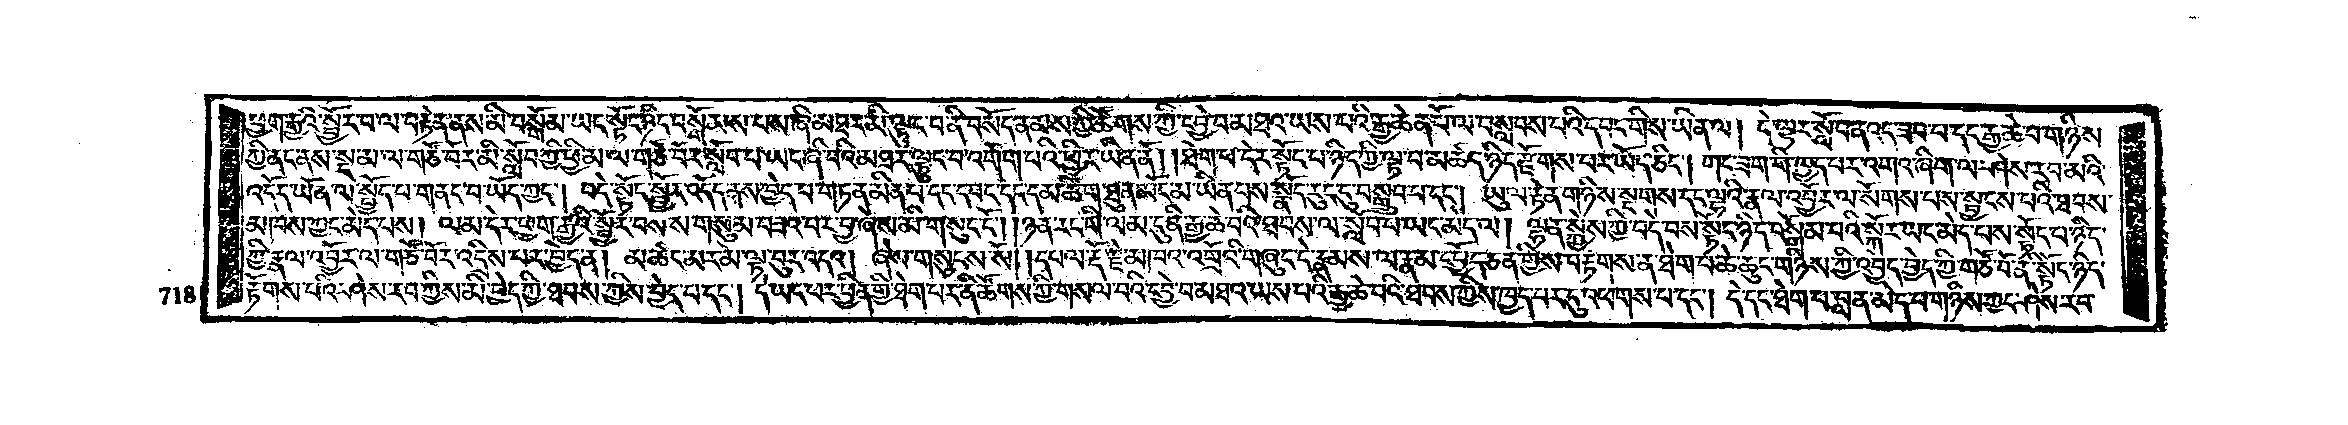ཕྱག་རྒྱའི་སྦྱོར་བ་ལ་བརྟེན་ནས་མི་བསྒོམ་ཡང་སྟོང་ཉིད་བསྒོམས་པས་ཞི་མཐར་མི་ལྟུང་བ་ནི་བསོད་ནམས་ཀྱི་ཚོགས་ཀྱི་དབྱེ་བ་མཐའ་ཡས་པའི་རྒྱ་ཆེན་པོ་ལ་བསླབས་པའི་དབང་གིས་ཡིན་ལ། དེ་ལྟར་སློབ་ནའང་ཟབ་པ་དང་རྒྱ་ཆེ་བ་གཉིས་ཀྱི་ནང་ནས་སྔ་མ་ལ་གཙོ་བོར་མི་སློབ་ཀྱི་ཕྱི་མ་ལ་གཙོ་བོར་སློབ་པ་ཡང་ཞི་བའི་མཐར་ལྟུང་བ་འགོག་པའི་ཕྱིར་ཡིན་ནོ། །ཐེག་པ་དེར་སྟོང་པ་ཉིད་ཀྱི་ལྟ་བ་མཚན་ཉིད་རྫོགས་པར་ཡོད་ཅིང་། གང་ཟག་གི་ཁྱད་པར་འགའ་ཞིག་ལ་ཤེས་རབ་མའི་
འདོད་ཡོན་ལ་སྤྱོད་པ་གནང་བ་ཡོད་ཀྱང་། བདེ་སྟོང་སྦྱོར་འདོད་ནས་བྱེད་པ་གཏན་མིན་པ་དང་དབང་དང་དམ་ཚིག་ཐུན་མོང་མ་ཡིན་པས་སྣོད་རུང་དུ་བསྒྲུབ་པ་དང་། ཡུལ་རྟེན་གཉིས་སྔགས་དང་ལྷའི་རྣལ་འབྱོར་ལ་སོགས་པས་སྦྱངས་པའི་ཐབས་
མཁས་ཀྱང་མེད་པས། ལམ་དེར་ཕྱག་རྒྱའི་སྦྱོར་བས་ས་གསུམ་བཟའ་བར་བྱ་ཞེས་མི་གསུང་ངོ། །ཉན་རང་གི་ལམ་དུ་ནི་རྒྱ་ཆེ་བའི་ཐབས་ལ་སློབ་པ་ཡང་མེད་ལ། ལྷན་སྐྱེས་ཀྱི་བདེ་བས་སྟོང་ཉིད་བསྒོམ་པའི་སྐོར་ཡང་མེད་པས་སྟོང་པ་ཉིད་
ཀྱི་རྣལ་འབྱོར་ལ་གཙོ་བོར་འདྲིས་པར་བྱེད་ན། མ་ཚང་མར་མེ་ལྟ་བུར་འདའ། ཞེས་གསུངས་སོ། །དཔལ་རྡོ་རྗེ་མཁའ་འགྲོའི་གཞུང་དེ་རྣམས་ལ་རྣམ་དཔྱོད་ཅན་གྱིས་བརྟགས་ན་ཐེག་པ་ཆེ་ཆུང་གཉིས་ཀྱི་འབྱེད་བྱེད་ཀྱི་གཙོ་བོ་ནི་སྟོང་ཉིད་
རྟོགས་པའི་ཤེས་རབ་ཀྱིས་མི་བྱེད་ཀྱི་ཐབས་ཀྱིས་བྱེད་པ་དང་། དེ་ཡང་ཕར་ཕྱིན་གྱི་ཐེག་པར་ནི་ཚོགས་ཀྱི་གསལ་བའི་དབྱེ་བ་མཐའ་ཡས་པའི་རྒྱ་ཆེ་བའི་ཐབས་ཀྱིས་ཁྱད་པར་དུ་འཕགས་པ་དང་། དེ་དང་ཐེག་པ་བླ་ན་མེད་པ་གཉིས་ཀྱང་ཤེས་རབ་